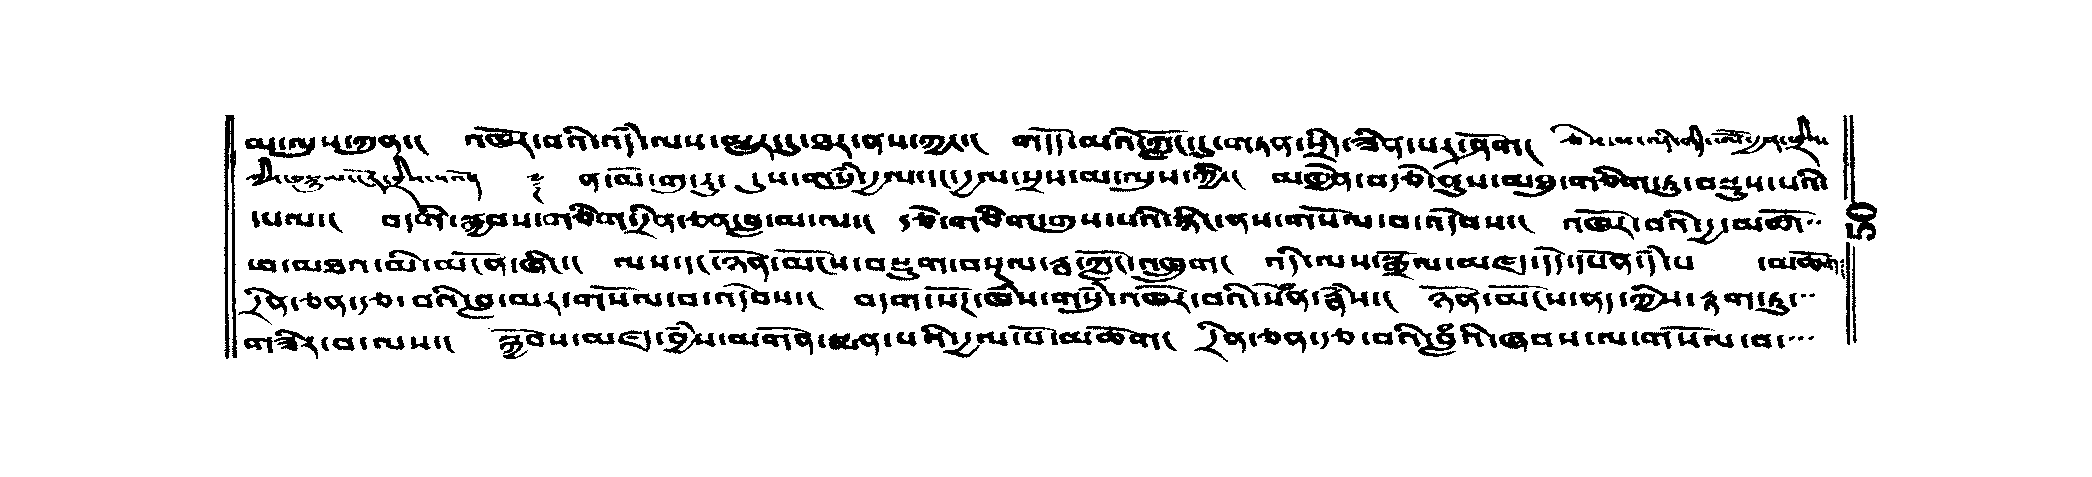མ་ལུས་ཀུན། །འཁོར་བའི་འདམ་ལས་མྱུར་དུ་ཐར་ནས་ཀྱང་། །གདོད་མའི་ཀློང་དུ་གཏན་སྲིད་ཟིན་པར་ཤོག ཅེས་པ་འདི་ཉིད་ཨོ་རྒྱན་ཕྲིན་ལས་
ཀྱིས་བསྐུལ་ངོར་བྲིས་པའོ།། ༈ ན་མོ་གུ་རུ། དུས་གསུམ་རྒྱལ་དང་རྒྱལ་སྲས་མ་ལུས་ཀྱི། །མཁྱེན་བརྩེ་ནུས་མཐུ་གཅིག་ཏུ་བསྡུས་པའི་
དཔལ། །བདག་གི་སྐྱབས་གཅིག་དྲིན་ཅན་བླ་མ་ལ། །རྩེ་གཅིག་གུས་པའི་སྙིང་ནས་གསོལ་བ་འདེབས། །འཁོར་བའི་རྒྱ་མཚོ་
ཕ་མཐའ་མི་མངོན་ཞིང་། །ལས་དང་ཉོན་མོངས་སྡུག་བསྔལ་རྦ་ཀློང་འཁྲུག །འདི་ལས་སྒྲོལ་མཛད་དེད་དཔོན་དམ་པ་མཆོག །
དྲིན་ཅན་རྩ་བའི་བླ་མར་གསོལ་བ་འདེབས། །བདག་སོགས་ཁམས་གསུམ་འཁོར་བའི་སེམས་ཅན་རྣམས། །ཉོན་མོངས་ནད་ཀྱིས་རྟག་ཏུ་
གཟིར་བ་ལས། །སྐྱོབས་མཛད་བྱམས་མགོན་སྨན་པའི་རྒྱལ་པོ་མཆོག །དྲིན་ཅན་རྩ་བའི་བླ་མར་གསོལ་བ་